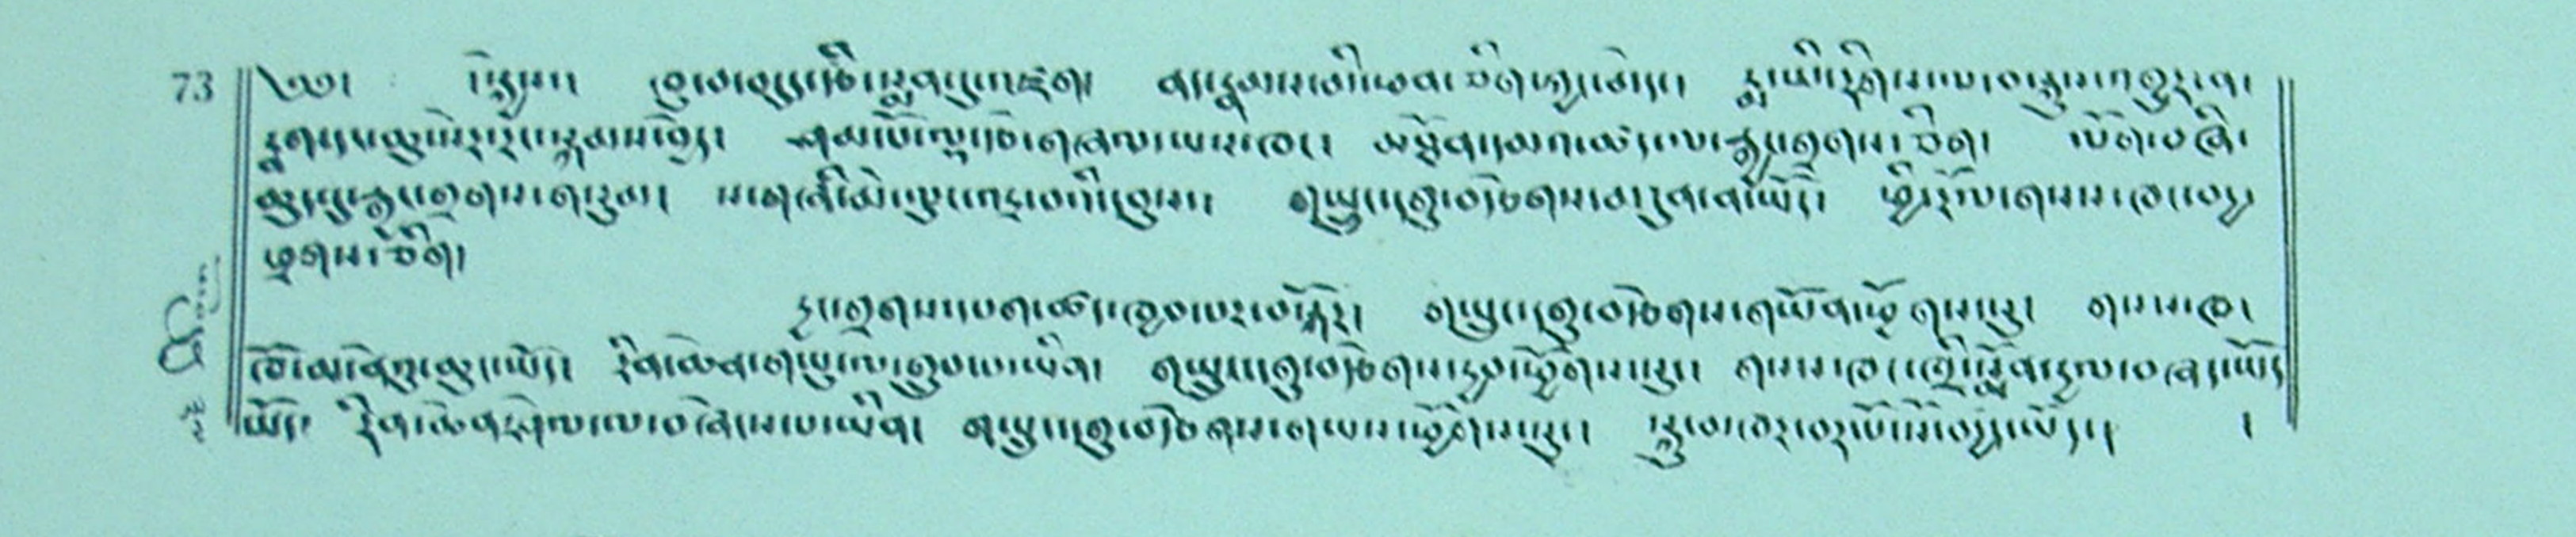༄༅། །སྐྱེས། ཁུ་བ་བདུད་རྩི་སྨན་དུ་འཛགས། ནད་རྣམས་མི་ཕན་གཅིག་ཀྱང་མེད། རྨ་ཡི་རིགས་ལ་བསྐུས་འགྱུར་ན། 
རྣག་དང་ཆུ་སེར་རང་སྐམ་བྱེད། ཤམ་པོ་ལྷ་རྩེ་གཞལ་ཡས་ཁང་། མཐོའ་དམའ་ཚད་ལ་རྒྱང་གྲགས་གཅིག ལོགས་བཞི་
ཆུད་དུ་རྒྱང་གྲགས་གསུམ། ས་གཞི་མེ་ལོང་འདྲ་བའི་དབུས། གཡུང་དྲུང་དགུ་བརྩེགས་མདུན་ནས་ཡོད། ཕྱི་རོལ་གསས་ཁང་བརྒྱ་
ཕྲག་གཅིག
རྒྱང་གྲགས་དཔག་ཚད་ཁྱབ་པར་བསྐོར། གཡུང་དྲུང་དགུ་བརྩེགས་གཡོན་ཕྱོགས་སུ། གསས་ཁང་
ཁོ་མ་ནེའུ་ཆུང་ཡོད། རིན་ཆེན་གཡུ་ལ་གྲུབ་པ་ཡིན། གཡུང་དྲུང་དགུ་བརྩེགས་རྒྱབ་ཕྱོགས་སུ། གསས་ཁང་ཁྲི་སྨོན་རྒྱལ་བཞད་ཡོད། 
རིན་ཆེན་ཤེལ་ལ་གྲུབ་པ་ཡིན། གཡུང་དྲུང་དགུ་བརྩེགས་གཡས་ཕྱོགས་སུ། སྐུ་མཁར་བར་བོ་སོ་བརྒྱད་ཡོད།